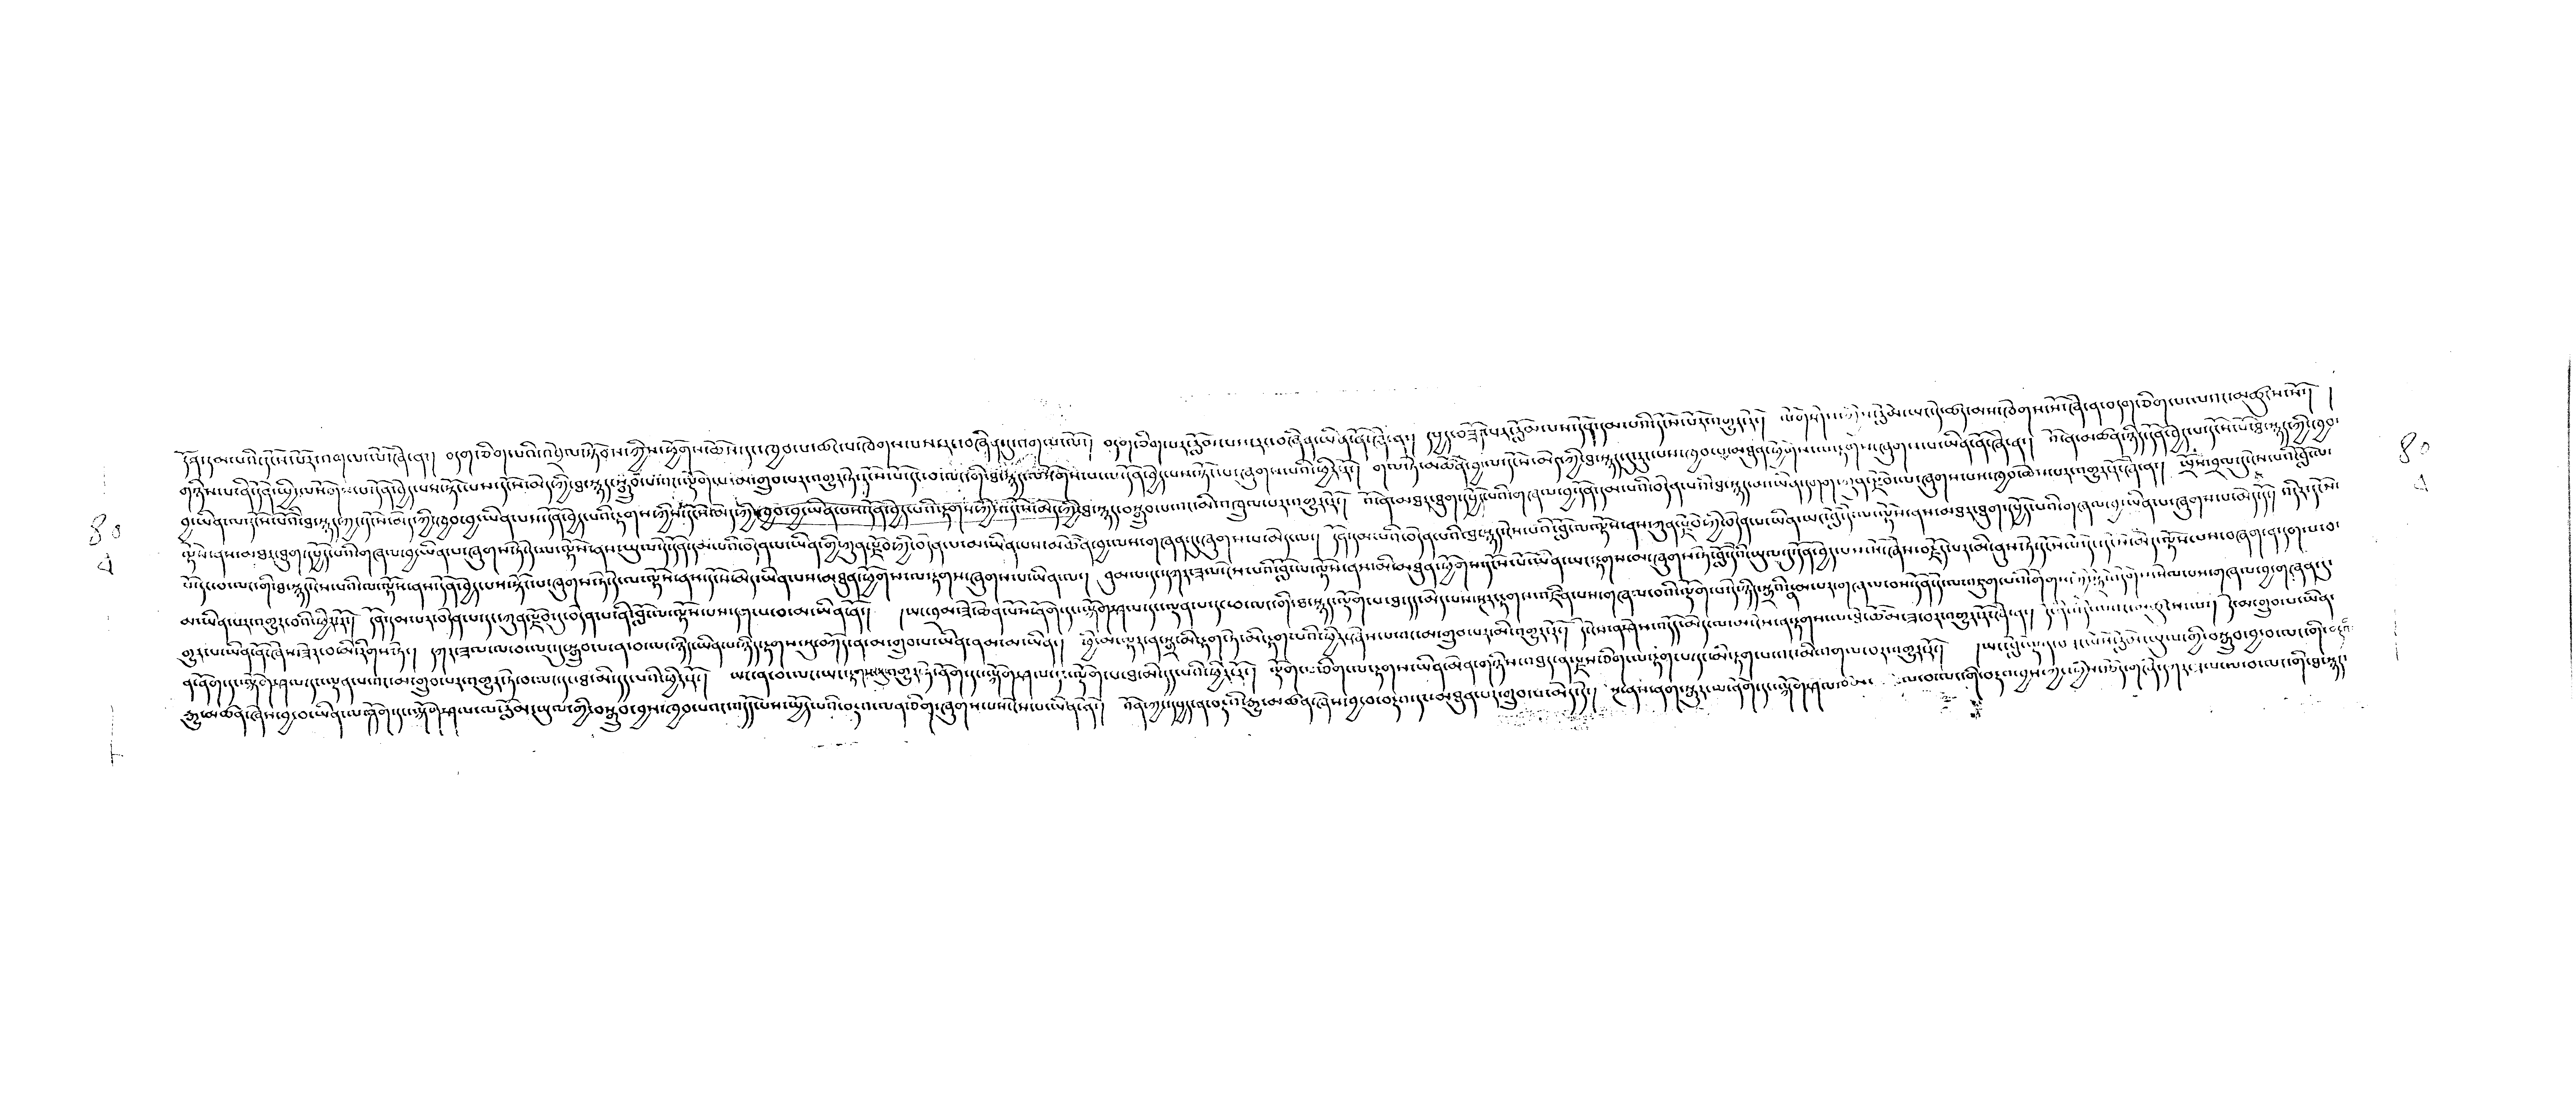དོན་དམ་པའི་དངོས་པོར་འགལ་ལོ་ཞེ་ན། བདག་ཅིག་པའི་འབྲེལ་སྟོབས་ཀྱིས་ཕྱོགས་ཆོས་དང་ཁྱབ་པ་ཚང་པ་ཁེགས་པས་རང་བཞིན་དུ་འགལ་ལོ། བདག་ཅིག་པར་རློམ་པས་རང་བཞིན་ཡིན་ནོ་ཞེ་ན། དཔྱད་བཟོད་པར་རློམ་པས་དོན་དམ་པའི་དངོས་པོར་འགྱུར་རོ། ལོག་ཤེས་ཀྱིས་རློམ་ཡང་དེ་ཚད་མས་ཁེགས་སོ་ཞེ་ན་བདག་ཅིག་པ་ལའང་མཚུངས་སོ། །
གཉིས་པ་ནི་དོན་སྤྱི་ལ་སོགས་པ་དོན་བྱེད་པས་སྟོང་པས་དངོས་མེད་ཀྱི་ཐ་སྙད་སྒྲུབ་པ་འང་ལྡོག་པ་མ་གྲུབ་པར་འགྱུར་ཏེ་དངོས་པོ་དོང་བ་ལང་གི་ཐ་སྙད་ལ་སོགས་པ་ལ་དོན་བྱེད་པས་སྟོང་པ་ཞུགས་པའི་ཕྱིར་རོ། གལ་ཏེ་མཚོན་བྱ་ལ་དངོས་མེད་ཀྱི་ཐ་སྙད་དུ་རུང་པས་ཁྱབ་པ་མཐུན་ཕྱོགས་ལ་རྟགས་ཞུགས་ལ་ཡིན་ནོ་ཞེ་ན། འོ་ན་མཚན་ཉིད་དོན་བྱེད་པ་དངོས་པོ་ཐ་སྙད་ཀྱི་ཁྱབ་
བྱ་ཡིན་ལ་དངོས་པོའི་ཐ་སྙད་ཀྱང་དངོས་མེད་ཀྱིས་ཁྱབ་བྱ་ཡིན་པས་དོན་བྱེད་པའི་རྟགས་ཀྱིས་དངོས་མེད་ཀྱི་ཁྱབ་བྱ་ཡིན་པས་དོན་བྱེད་པའི་རྟགས་ཀྱིས་དངོས་མེད་ཀྱི་ཐ་སྙད་བསྒྲུབ་པ་འང་མི་འཁྲུལ་པར་འགྱུར་རོ། འོ་ན་མཐར་ཐུག་དཔྱོད་པའི་གཞལ་བྱ་དོན་དམ་པའི་བདེན་པའི་ཐ་སྙད་མ་ཡིན་དགག་ཀུན་རྫོབ་ལ་ཞུགས་པས་ཁྱབ་ཆེས་པར་འགྱུར་རོ་ཞེ་ན། སྤྲོས་བྲལ་དུ་ངེས་པའི་བློ་ལ་
ལྟོས་ནས་མཐར་ཐུག་དཔྱོད་པའི་གཞལ་བྱ་ཡིན་པ་ཞུགས་ཏེ་དེ་ལ་ལྟོས་ནས་ཡུལ་དེ་དོན་དམ་པའི་བདེན་པ་ཡིན་གྱི་ཀུན་རྫོབ་ཀྱི་བདེན་པ་མ་ཡིན་པས་མཚོན་བྱ་ལས་གཞན་དུ་ཞུགས་པ་མེད་ལ། དོན་དམ་པའི་བདེན་པའི་ཐ་སྙད་ངེས་པའི་བློ་ལ་ལྟོས་ནས་ཀུན་རྫོབ་ཀྱི་བདེན་པ་ཡིན་ཡང་བློ་དེ་ལ་ལྟོས་ནས་མཐར་ཐུག་དཔྱོད་པའི་གཞལ་བྱ་ཡིན་པ་ཞུགས་པ་མེད་དོ། འདིར་དངོས་
པོ་དང་བ་ལང་གི་ཐ་སྙད་ངེས་པའི་ལ་ལྟོས་ནས་དོན་བྱེད་པས་སྟོང་པ་ཞུགས་ཏེ་དེ་ལ་ལྟོས་ནས་དངོས་མེད་ཡིན་པས་མཐུན་ཕྱོགས་ལ་རྟགས་ཞུགས་པ་ཡིན་ལ། བུམ་པ་དང་དཀར་ཟལ་ངེས་པའི་བློ་ལ་ལྟོས་ནས་མི་མཐུན་ཕྱོགས་དངོས་པོ་ཡིན་ཡང་རྟགས་མ་ཞུགས་ཏེ་བློ་དེའི་ཡུལ་དུ་དོན་བྱེད་པས་སོ་ཞེས་བརྗོད་པར་མི་ནུས་ཏེ་དངོས་པོ་དང་དངོས་མེད་ལྟོས་པས་བཞག་ན་དགལ?་བ་
མ་ཡིན་པར་འགྱུར་བའི་ཕྱིར་རོ། དོན་དམ་པར་བདེན་པ་དང་ཀུན་རྫོབ་དུ་བདེན་པ་ནི་བློ་ལ་ལྟོས་པས་དགལ་བ་མ་ཡིན་ནོ། །ཡང་བྲམ་ཟེ་ཆེན་པོས་ནོག་དང་ལྐོག་ཤལ་དང་ལྡན་པ་དང་བ་ལང་གི་ཐ་སྙད་ལྡོག་པ་ཐ་དད་མེད་པས་སྔར་རྟགས་འཛིན་པས་གཞལ་བའི་ལྡོག་པ་དེ་ཉིད་སྒྲའི་རྣམ་པར་གཞལ་བས་དོན་དེ་ལ་འཇུག་པའི་གེགས་ཀྱི་སྒྲོ་འདོགས?་སེལ་པས་གཞལ་བྱ་གཞན་དུ་
གྱུར་པ་ཡིན་ནོ་ཞེས་ཟེར་བ་མི་རིགས་ཏེ། དཀར་ཟལ་ལ་བ་ལང་དུ་སྒྲུབ་པ་ན་བ་ལང་ཉིད་ཡིན་པ་ཉིད་རྟགས་སུ་བཀོད་ན་མ་གྲུབ་པ་ཡིན་ནམ་མ་ཡིན། ཕྱི་མ་ལྟར་ན་སྒྲ་མི་རྟག་ཏེ་མི་རྟག་པའི་ཕྱིར་ཞེས་པ་འང་མ་གྲུབ་པར་མི་འགྱུར་རོ། དེ་ངེས་ན་ཤེས་འདོད་མེད་ལ་མ་ངེས་ན་རྟགས་ལ་ཐེ་ཚོམ་ཟ་བར་འགྱུར་རོ་ཞེ་ན། དེ་ནི་འདི་ལའང་མཚུངས་ལ། དེ་མ་གྲུབ་པ་ཡིན་
ན་ནོག་དང་ལྐོག་ཤལ་དང་ལྡན་པ་འང་མ་གྲུབ་པར་འགྱུར་ཏེ་བ་ལང་དང་ཐ་མི་དད་པའི་ཕྱིར་རོ། ཡང་ན་བ་ལང་ཡང་རྟགས་དུ་འགྱུར་ཏེ་ནོག་དང་ལྐོག་ཤལ་དང་ལྡོག་པ་ཐ་མི་དད་པའི་ཕྱིར་རོ། ལྡོག་པ་ཅིག་ལ་རྟགས་ཡིན་མེན་གཉིས་འཐད་ན་རྫས་ཅིག་ལ་རྟག་པ་དང་མི་རྟག་པ་འང་མི་འགལ་བར་འགྱུར་རོ། །ཡང་བློ་ལྡན་པ་དང་པོས་རློམ་ཡུལ་གྱི་བསྒྲུབ་བྱ་བ་ལང་གི་བརྡའི་
རྒྱུ་མཚན་ཞེས་བྱ་བ་ཡིན་ལ་ནོག་དང་ལྐོག་ཤལ་ལ་རློམ་ཡུལ་གྱི་བསྒྲུབ་བྱས་ཁྱབ་པའང་འདོད་པས་སྤྱོད་པའི་བརྡའ་ལན་ཅིག་ཞུགས་པས་ངེས་པ་ཡིན་ནོ། འོན་ཀྱང་དཔྱད་ན་བརྡའི་རྒྱུ་མཚན་ཞེས་བྱ་བ་བརྡའ་དང་མཐུན་པར་གྲུབ་པ་མེད་དེ། སྔ་ནས་ནག་སྒྱུར་མ་ནོག་དང་ལྐོག་ཤལ་ཙམ?་?ལ་བ་ལང་གི་བརྡའ་བྱས་ཀྱང་ཕྱིས་རྩོད་གཞི་དཀར་ཟལ་ལ་བ་ལང་གི་ཐ་སྙད་